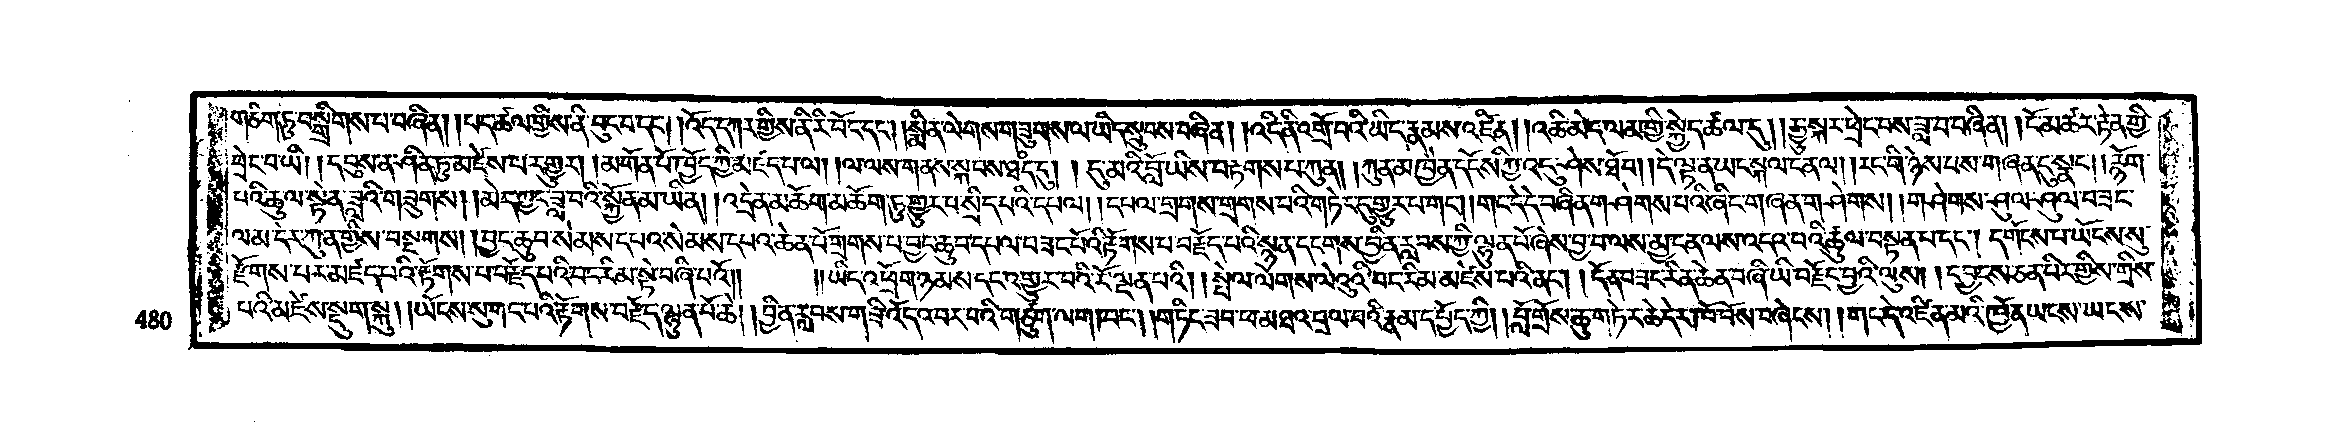གཅིག་ཏུ་བསྒྲིགས་པ་བཞིན། །པད་ཆལ་གྱིས་ནི་བུང་བ་དང་། །འོད་དཀར་གྱིས་ནི་རི་བོང་དང་། །སྨིན་ལེགས་གཟུགས་ལ་ཡིད་སྲུབས་བཞིན། །འདི་ནི་འགྲོ་བའི་ཡིད་རྣམས་འཛིན། །འཆི་མེད་ལམ་གྱི་སྐྱེད་ཚལ་དུ། །རྒྱུ་སྐར་ཕྲེང་བས་ཟླ་བ་བཞིན། །ངོ་མཚར་རྟེན་གྱི་
ཕྲེང་བ་ཡི། །དབུས་ན་ཤིན་ཏུ་མཛེས་པར་གྱུར། །མགོན་པོ་ཁྱོད་ཀྱི་མཛད་པ་ལ། །ལ་ལས་གནས་སྐབས་ཐམས་ཅད་དུ། །དུ་མའི་བློ་ཡིས་བརྟགས་པ་ཀུན། །ཀུན་མཁྱེན་དངོས་ཀྱི་འདུ་ཤེས་ཐོབ། །དེ་ལྟ་ན་ཡང་སྐལ་ངན་ལ། །རང་གི་ཉེས་པས་གཞན་དུ་སྣང་། །རྙོག་
པའི་ཆུ་ལ་སྟེན་ཟླའི་གཟུགས། །མེད་ཀྱང་ཟླ་བའི་སྐྱོན་མ་ཡིན། །འདྲེན་མཆོག་མཆོག་ཏུ་གྱུར་པ་སྲིད་པའི་དཔལ། །དཔལ་གྲགས་གྲགས་པའི་གཏེར་དུ་གྱུར་པ་གང་། །གང་དེ་དེ་བཞིན་གཤེགས་པའི་ཞིང་གཞན་གཤེགས། །གཤེགས་ཤུལ་ཤུལ་བཟང་
ལམ་དེར་ཀུན་གྱིས་བསྔགས། །བྱང་ཆུབ་སེམས་དཔའ་སེམས་དཔའ་ཆེན་པོ་གྲགས་པ་བྱང་ཆུབ་དཔལ་བཟང་པོའི་རྟོགས་པ་བརྗོད་པའི་སྙན་དངགས་བྱིན་རླབས་ཀྱི་ལྷུན་པོ་ཞེས་བྱ་བ་ལས་མྱ་ངན་ལས་འདའ་བའི་ཚུལ་བསྟན་པ་དང་། དགོངས་པ་ཡོངས་སུ་
རྫོགས་པར་མཛད་པའི་རྟོགས་པ་བརྗོད་པའི་བང་རིམ་སྟེ་བཞི་པའོ།། །།ཡིད་འཕྲོག་ཉམས་དང་འགྱུར་བའི་རོ་ལྡན་པའི། །སྤེལ་ལེགས་ལེའུའི་བང་རིམ་མཛེས་པའི་ནང་། །དོན་བཟང་རིན་ཆེན་བཞི་ཡི་བརྗོད་བྱའི་ལུས། །དབྱངས་ཅན་པིར་གྱིས་བྲིས་
པའི་མཛེས་སྡུག་སྐུ། །ཡོངས་སུ་གང་བའི་རྟོགས་བརྗོད་ལྷུན་པོ་ཆེ། །བྱིན་རླབས་གཟི་འོད་འབར་བའི་གཙུག་ལག་ཁང་། །གཏིང་ཟབ་ཕ་མཐའ་བྲལ་བའི་རྣམ་དཔྱོད་ཀྱི། །བློ་གྲོས་ཆུ་གཏེར་ཆེ་དེར་ཁོ་བོས་བཞེངས། །གང་དེ་འཛིན་མའི་ཁྱོན་ཡངས་ཡངས་